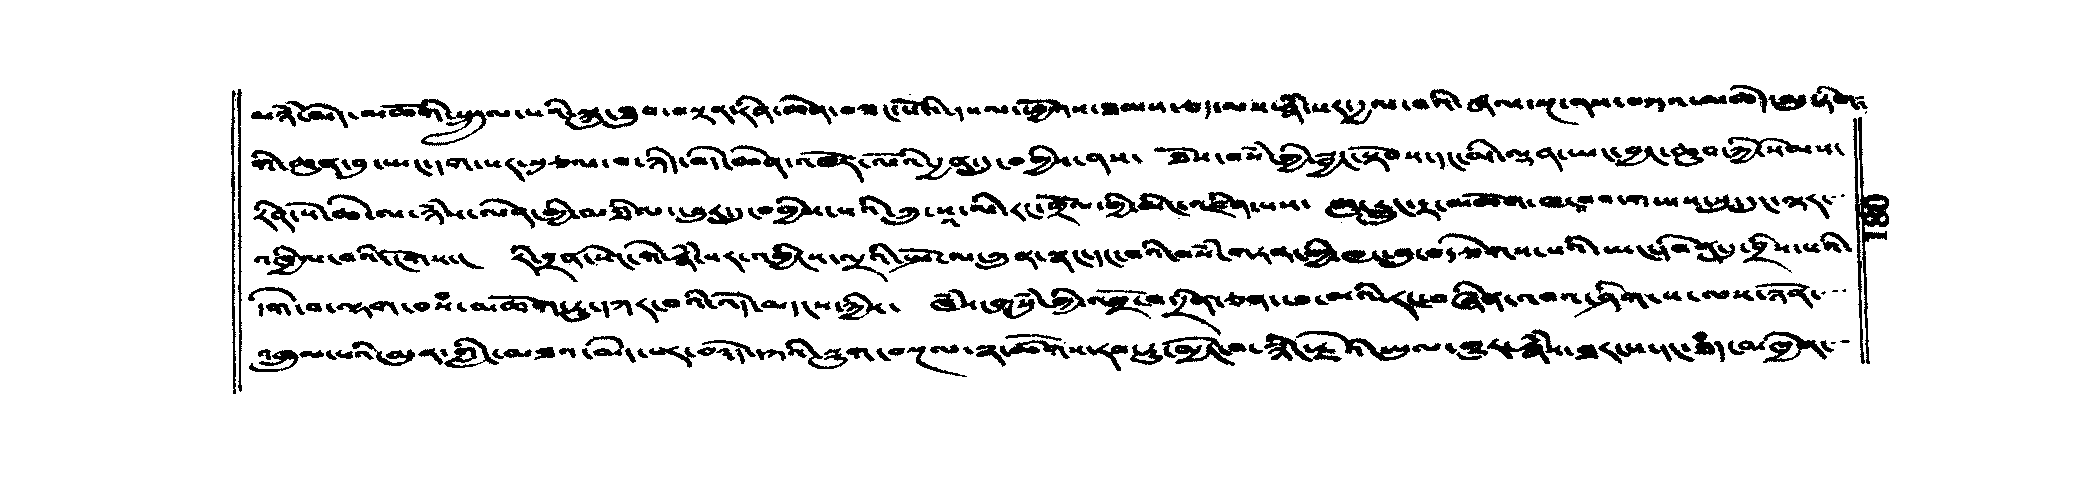མཉམ་མེད་མཆོག་གི་སྤྲུལ་པའི་སྐུ་ཐུབ་བསྟན་རིན་ཆེན་བཟང་པོའི་དཔལ་ཕྱོགས་ཐམས་ཅད་ལས་རྣམ་པར་རྒྱལ་བའི་ཞལ་སྔ་ནས་བཀའ་མཆོད་མུ་ཏིག་
གི་ཆུན་བུ་ཡང་དག་པར་སྩལ་བ་ཉིད་བདེ་ཆེན་འཁོར་ལོའི་རྒྱན་དུ་བགྱིས་ནས། ཐོས་བསམ་གྱི་སྦྱང་སྟོབས་དང་མི་ལྡན་ཡང་བྱང་ཆུབ་ཀྱི་སེམས་
རིན་པོ་ཆེ་ལ་ཉམས་ལེན་གྱི་མཐིལ་ཕུར་དུ་བགྱིས་པའི་ཀུ་པཱ་ལི་རང་གྲོལ་གྱི་མིང་འཛིན་པས། ཆུ་རླུང་རྟ་མཆོག་ཁ་འབབ་གཡས་སུ་དུང་ལྟར་
འཁྱིལ་བའི་ངོགས། རི་བྲན་སེང་གི་རྣམ་པར་འགྱིངས་འདྲའི་སྤོ་ལ་ཀུན་སྣང་དང་བའི་བསམ་གཏན་གྱི་ཁང་བུ་བརྩེགས་པའི་ཡང་དབེན་དུ་བྲིས་པའི་
དགེ་བ་ལྷག་བསམ་མཆོག་ཏུ་དཀར་བའི་འོད་མདངས་ཀྱིས། ཁམས་གསུམ་གྱི་འགྲོ་བ་དྲིན་ཅན་ཕ་མའི་རང་བཞིན་འབའ་ཞིག་ས་ལས་ཉོན་
འཁྲུལ་པའི་མུན་གླིང་མཐའ་མེད་པར་བཟོད་དཀའི་སྡུག་བསྔལ་སྣ་ཚོགས་རབ་ཏུ་མྱོངས་བ་སྙིང་རྗེའི་ཡུལ་གྱུར་རྣམས་ཐར་པ་དང་ཐམས་ཅད་མཁྱེན་